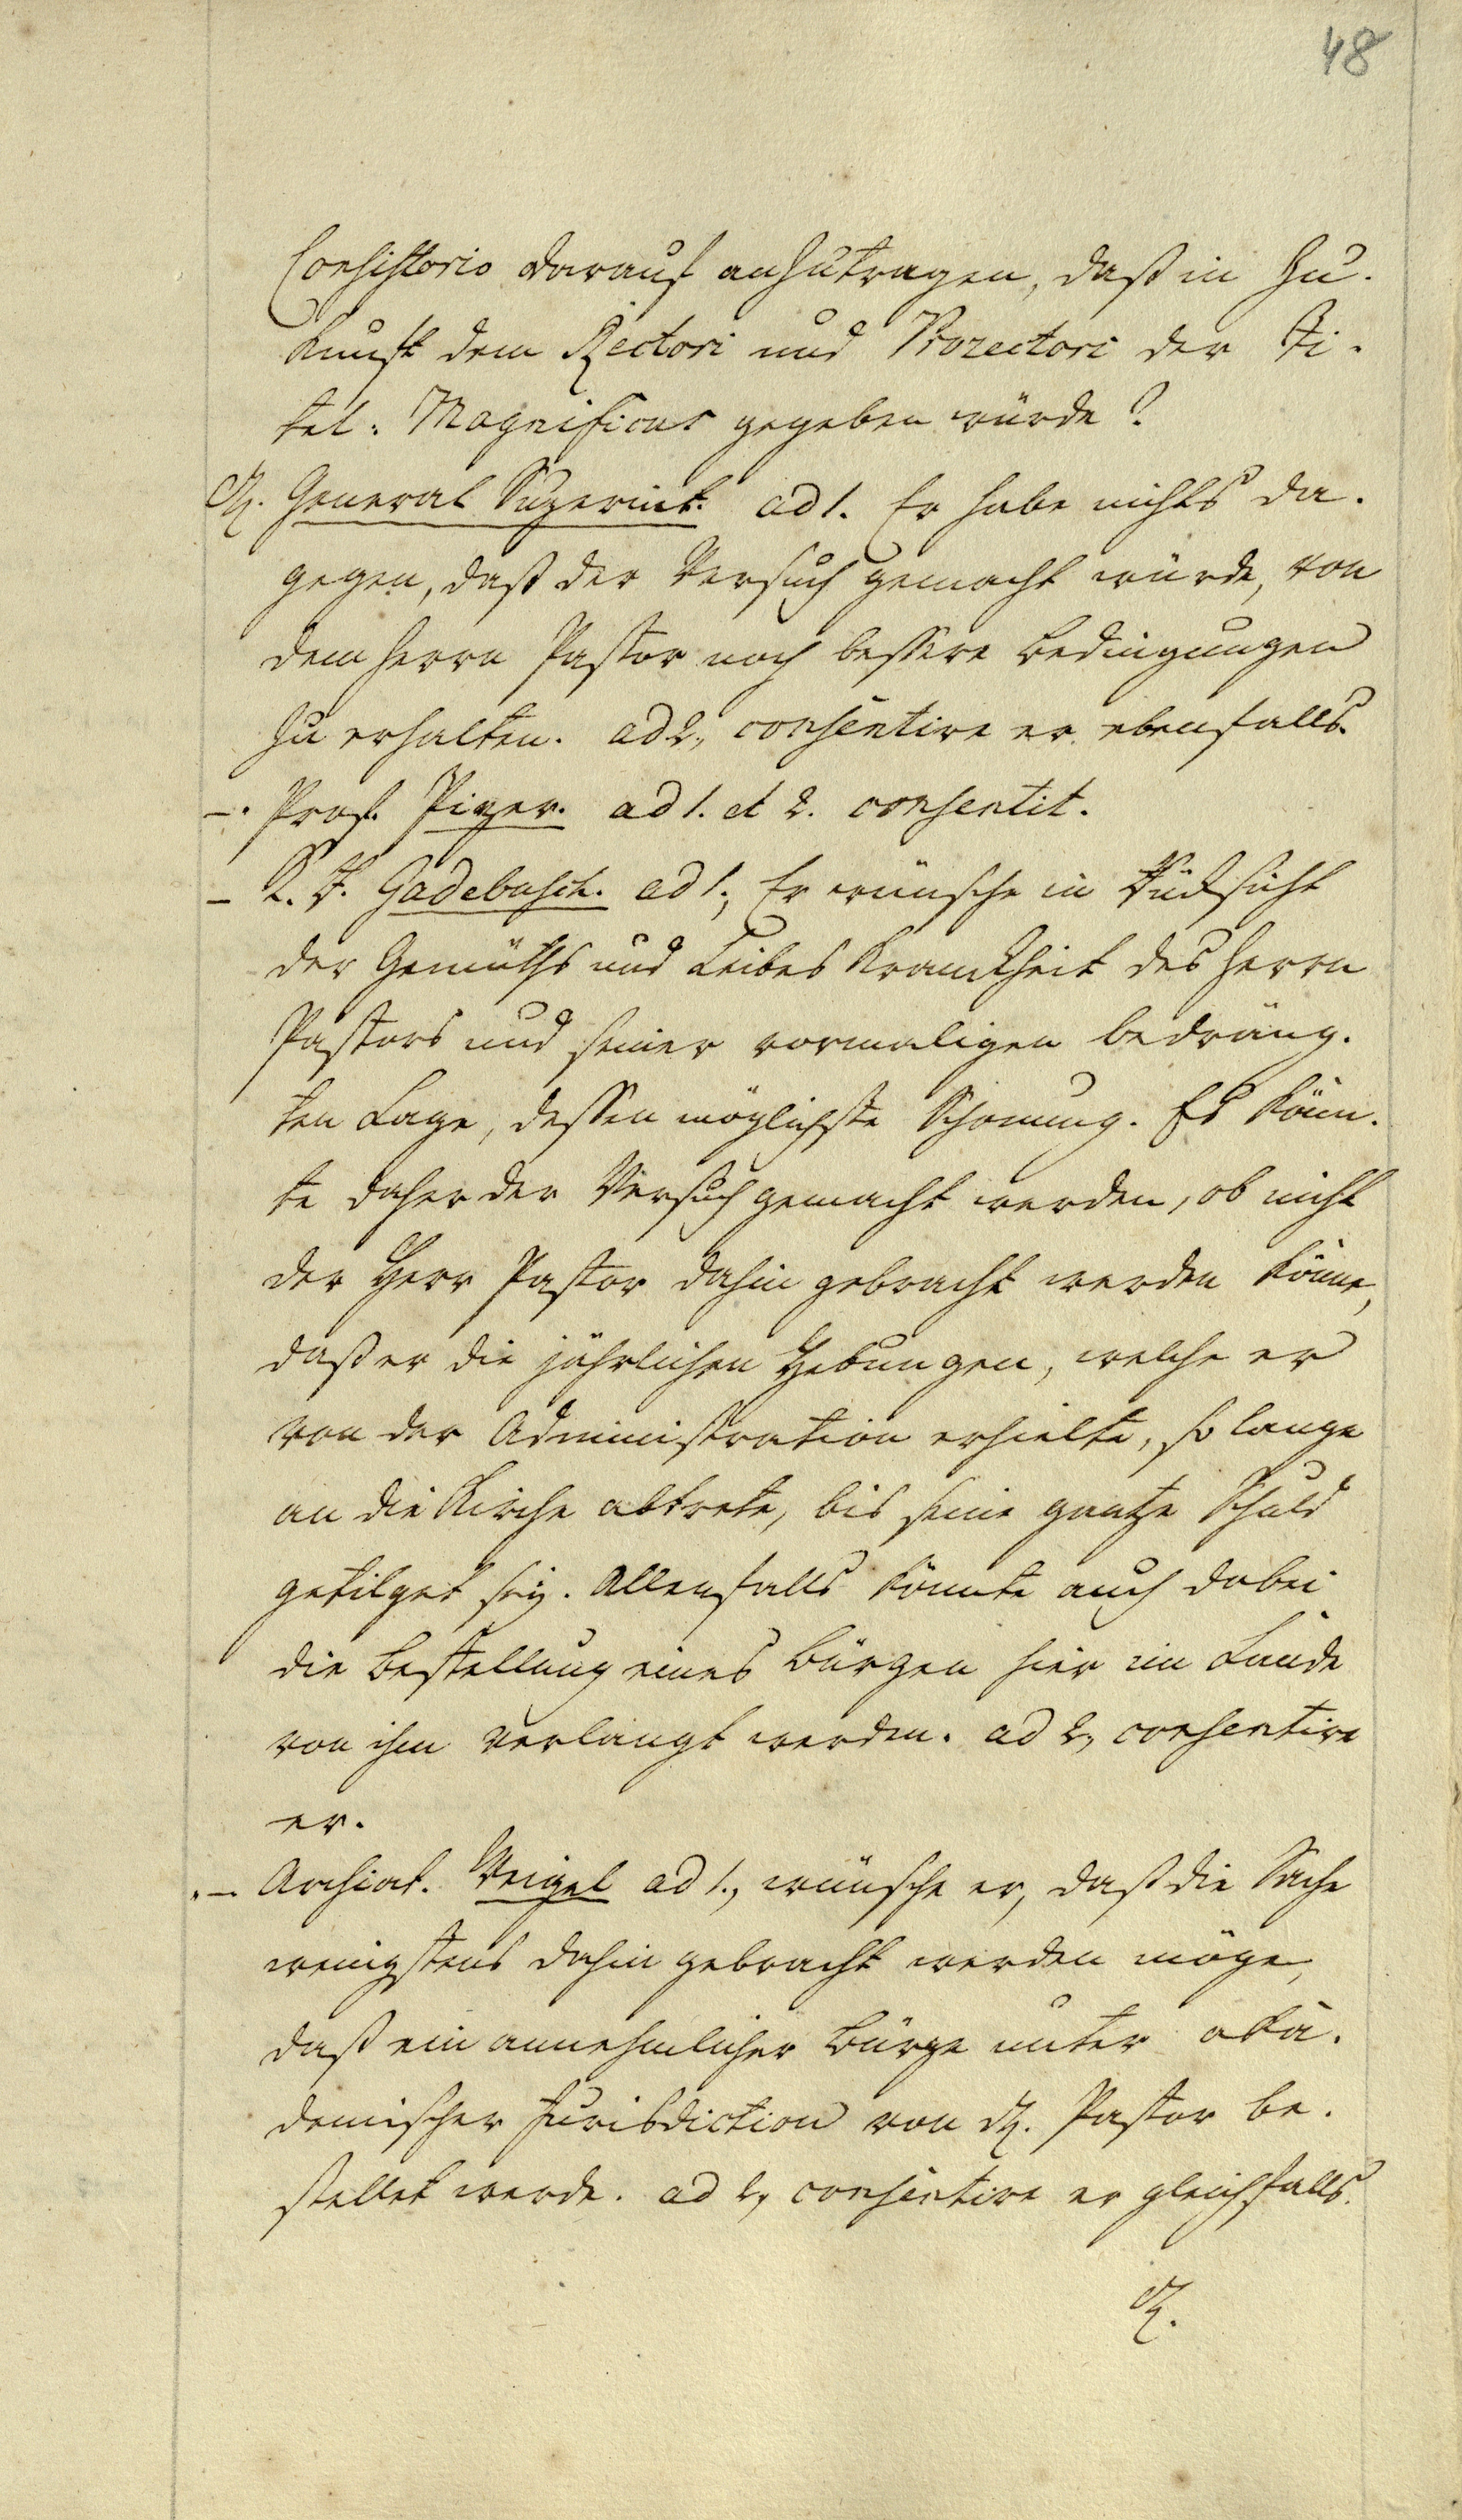Consistorio darauf anzutragen, daß in Zu¬
kunft dem Rectori und Porectori der Ti¬
tel: Magnificus gegeben würde ?
dh. General Superint. ad 1. Er habe nichts da¬
gegen, daß der Versuch gemacht würde, von
dem Herrn Pastor noch bessere Bedingungen
zu erhalten. ad 2., consentire er ebenfalls.
Prof. Piper ad 1. et 2. consentit.
K. R. Gadebusch. ad 1., Er wünsche in Rücksicht
der Gemüths und Leibes Kranckheit des Herrn
Pastors und seiner vormaligen bedräng¬
ten Lage, dessen möglichste Schonung. Es könn¬
te daher der Versuch gemacht werden, ob nicht
der Herr Pastor dahin gebracht werden könne,
daß er die jährlichen Hebungen, welche er
von der Administration erhielte, so lange
an die Kirche abtrete, bis seine gantze Schuld
getilget seÿ. Allenfalls könnte auch dabei
die Bestellung eines Bürgen hier im Lande
von ihm verlangt werden. ad 2., consentire
er.
Archiat. Weigel ad 1., wünsche er, daß die Sache
wenigstens dahin gebracht werden möge,
daß ein annehmlicher Bürge unter aka¬
demischer Jurisdiction von dh. Pastor be¬
stellet werde. ad 2., consentire er gleichfalls.
dh.